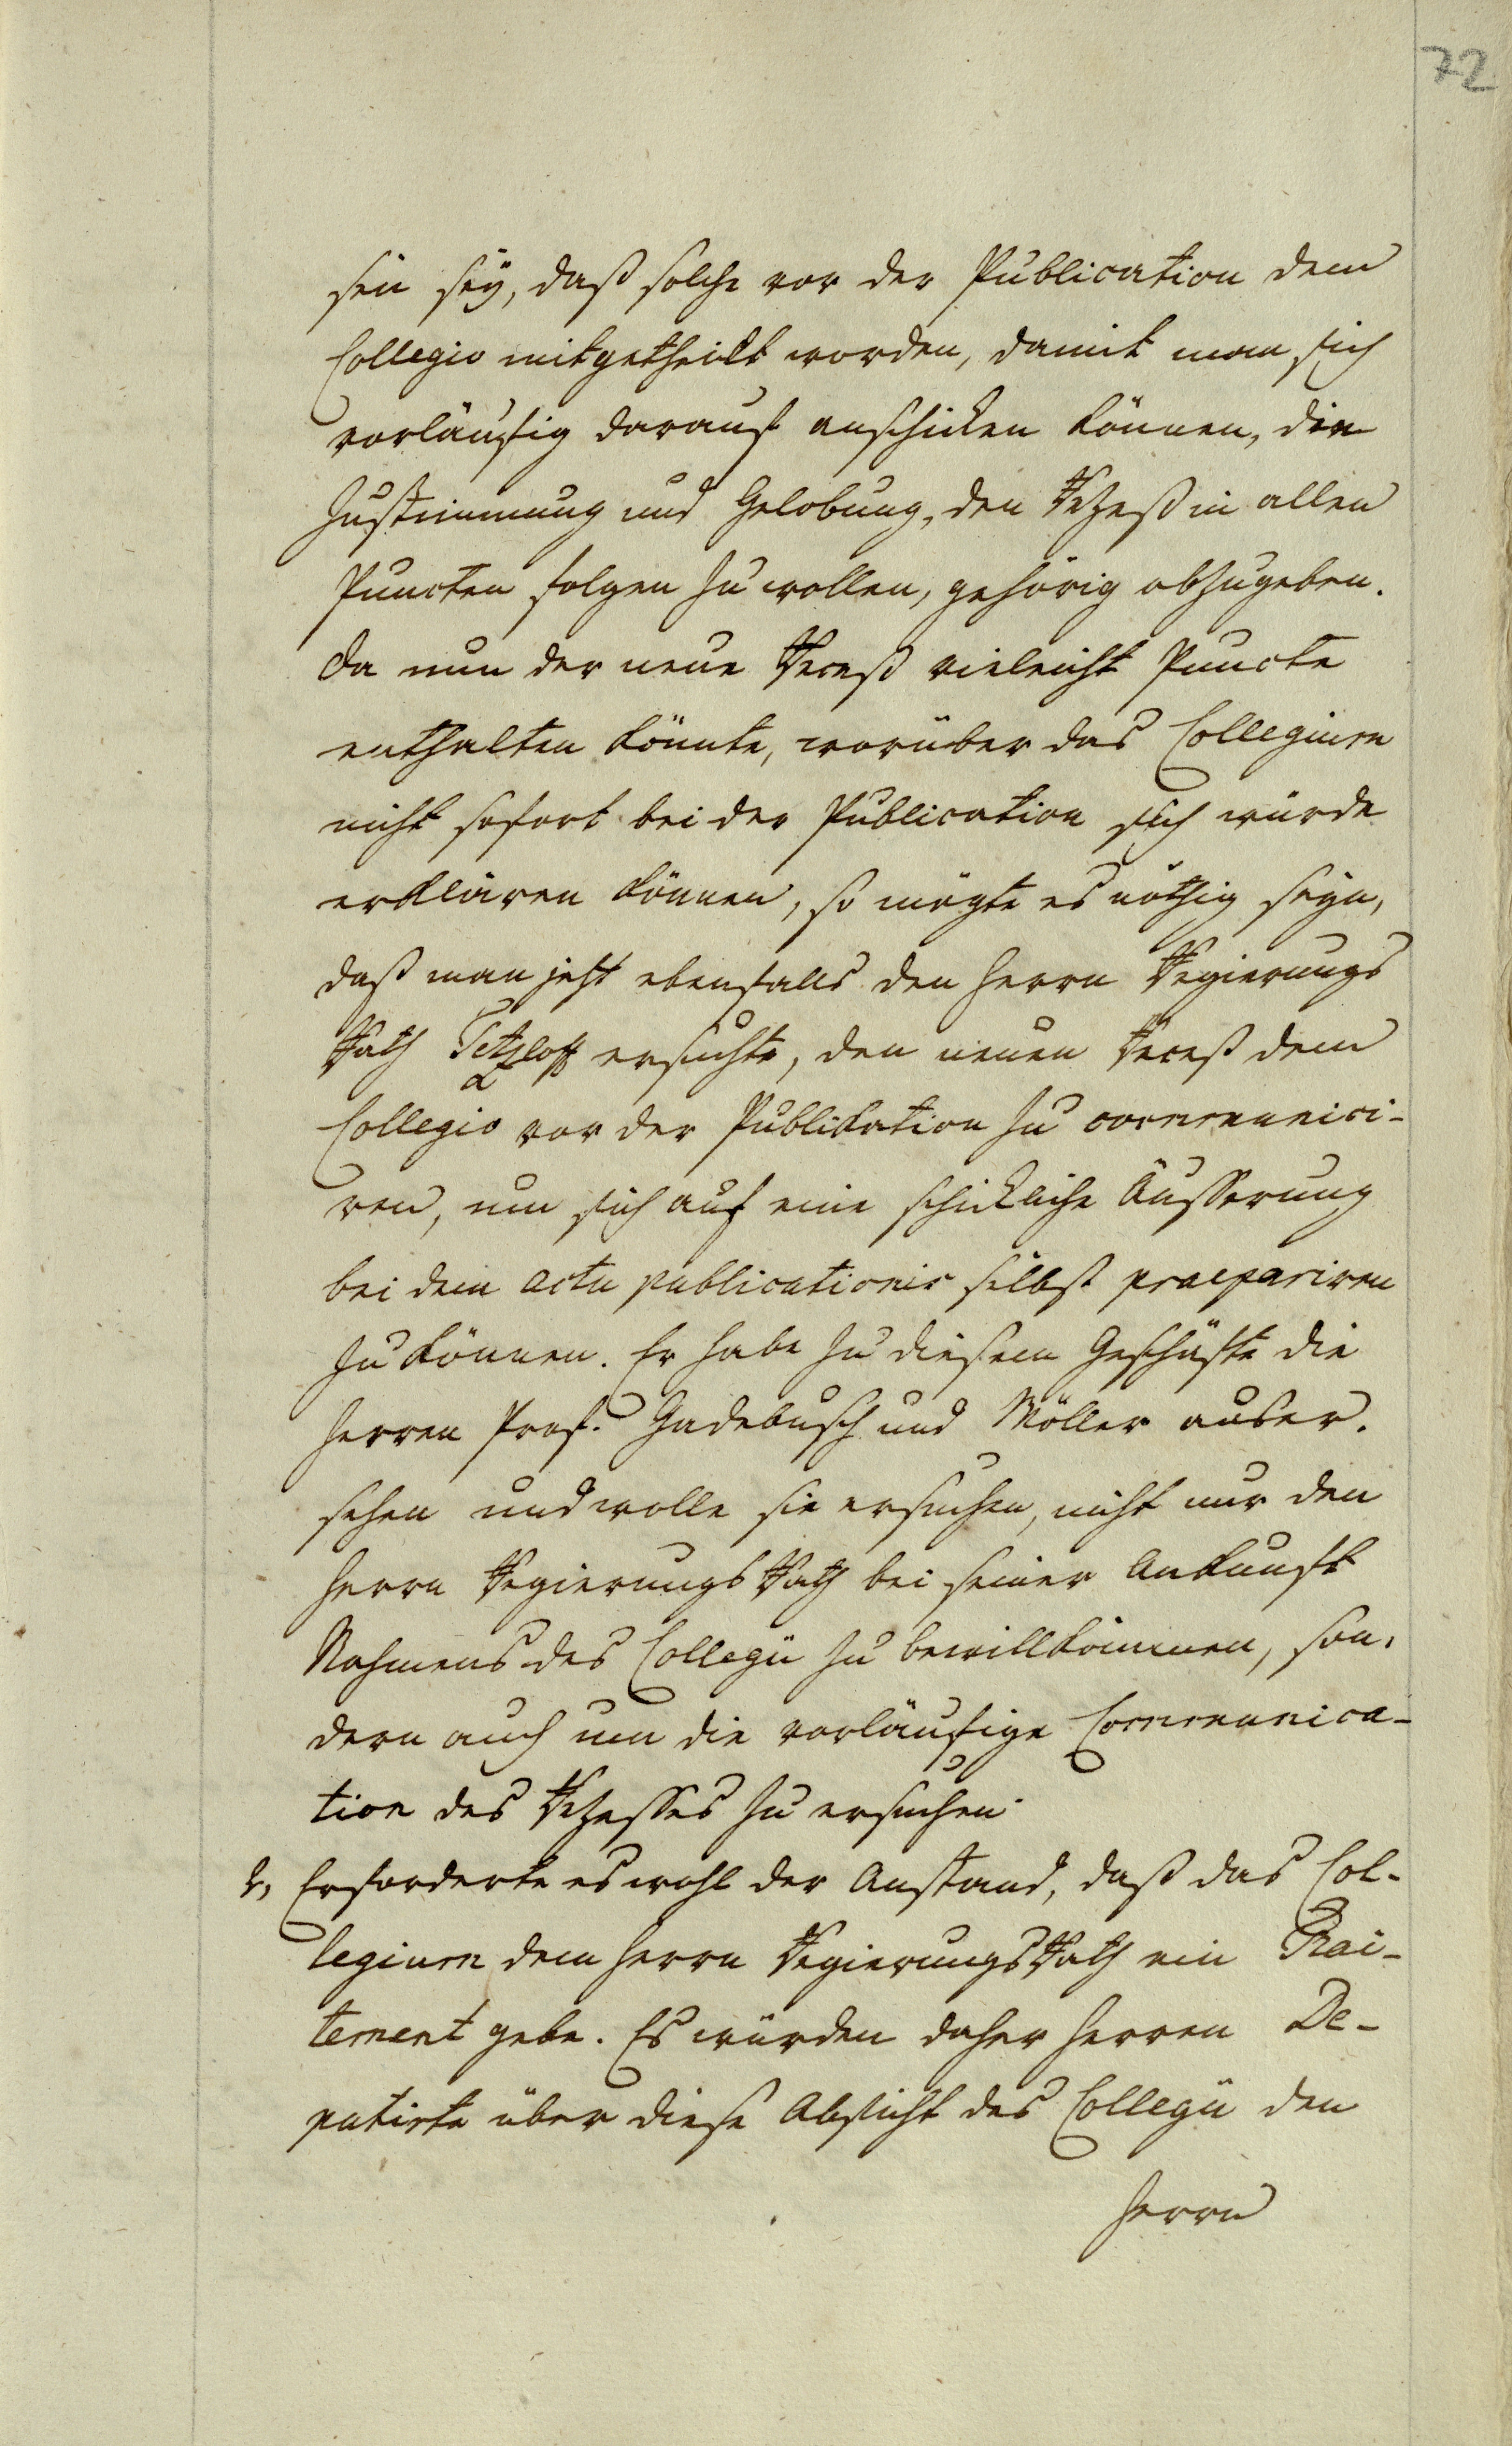sein seÿ, daß solche vor der Publication dem
Collegio mitgetheilt worden, damit man sich
vorläufig darauf anschicken können, die
Zustimmung und Gelobung, den Rezeß in allen
Punkten folgen zu wollen, gehörig abzugeben.
Da nun der neue Receß vieleicht Puncte
enthalten könnte, worüber das Collegium
nicht sofort bei der Publication sich würde
erklären können, so mögte es nöthig seÿn,
daß man jetzt ebenfalls den Herrn Regierungs
Rath Tetzloff ersuchte, den neuen Receß dem
Collegio vor der Publikation zu communici¬
ren, um sich auf eine schickliche Äusserung
bei dem Actu publicationis selbst praepariren
zu können. Er habe zu diesem Geschäfte die
Herren Prof. Gadebusch und Möller auser¬
sehen und wolle sie ersuchen, nicht nur den
Herrn Regierungs Rath bei seiner Ankunft
Nahmens des Collegii zu bewillkommen, son¬
dern auch um die vorläufige Communica¬
tion des Rezesses zu ersuchen
2., Erforderte es wohl der Anstand, daß das Col¬
legium dem Herrn Regierungs Rath ein eine
tment gebe. Es würden daher Herren D
putirte über diese Absicht des Collegii den
herrn